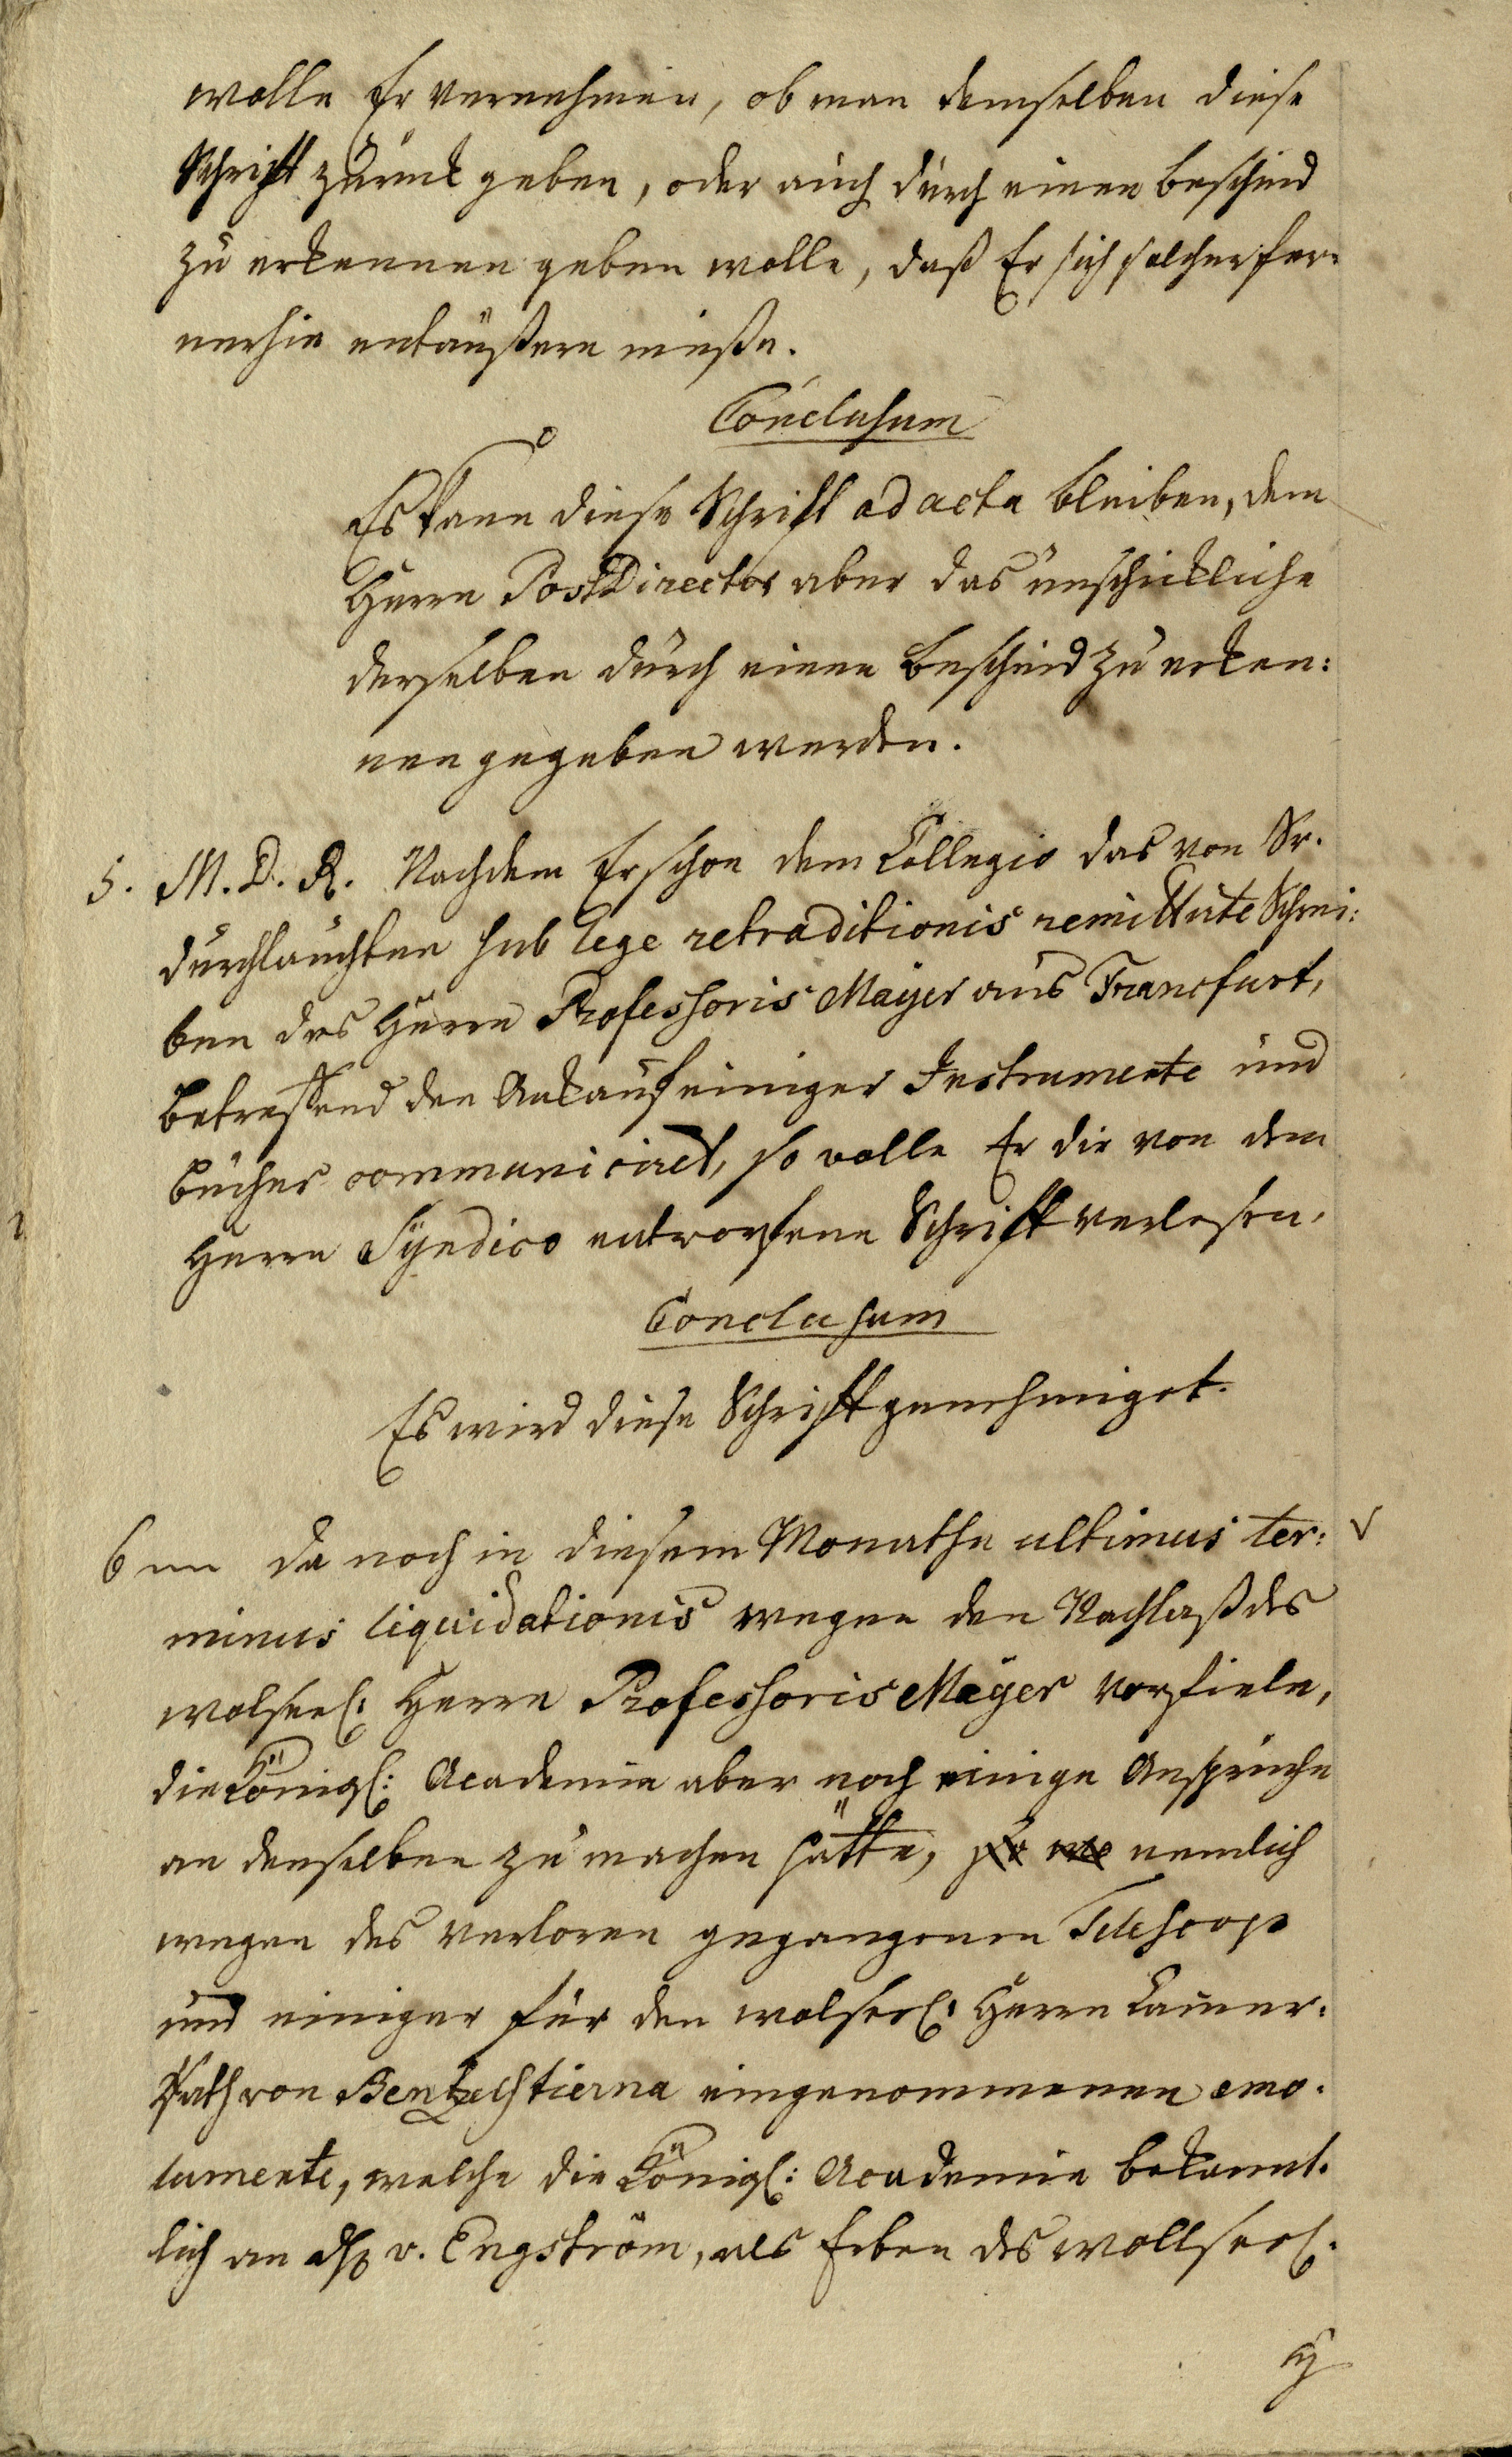wolle Er vernehmen, ob man demselben diese
Schrift zurück geben, oder auch durch einen Bescheid
zu erkennen geben wolle, daß Er sich solcher für¬
nerhin entäußern müße.
Conclusum
Es kann diese Schrift ad acta bleiben, dem
Herrn PostDirector aber das unschickliche
derselben durch einen Bescheid zu erken¬
nen gegeben werden.
5. M. D. R. Nachdem Er schon dem Collegio das von Sr.
Durchlauchten sub lege retraditionis remittirte Schrei¬
ben des Herrn Professoris Maÿer aus Frankfurt,
betreffend den Ankauf einiger Instrumente und
Bücher communiciret, so wolle Er die von dem
Herrn Sÿndico entworfene Schrift verlesen.
Conclusum
Es wird diese Schrift genehmiget.
Da noch in diesem Monathe ultimus ter¬
minus liquidationis wegen den Nachlaß des
wolseel. Herrn Professoris Maÿer vorfielen,
die Königl. Academie aber noch einige Ansprüche
an denselben zu machen hätte, nemlich
wegen des verloren gegangenen Telescop
und einiger für den wolseel. Herrn Camer¬
Rath von Bentzelstierna eingenommenen emo¬
lumente, welche die Königl. Academie bekannt¬
lich an dh. v. Engström, als Erben des wollseel.